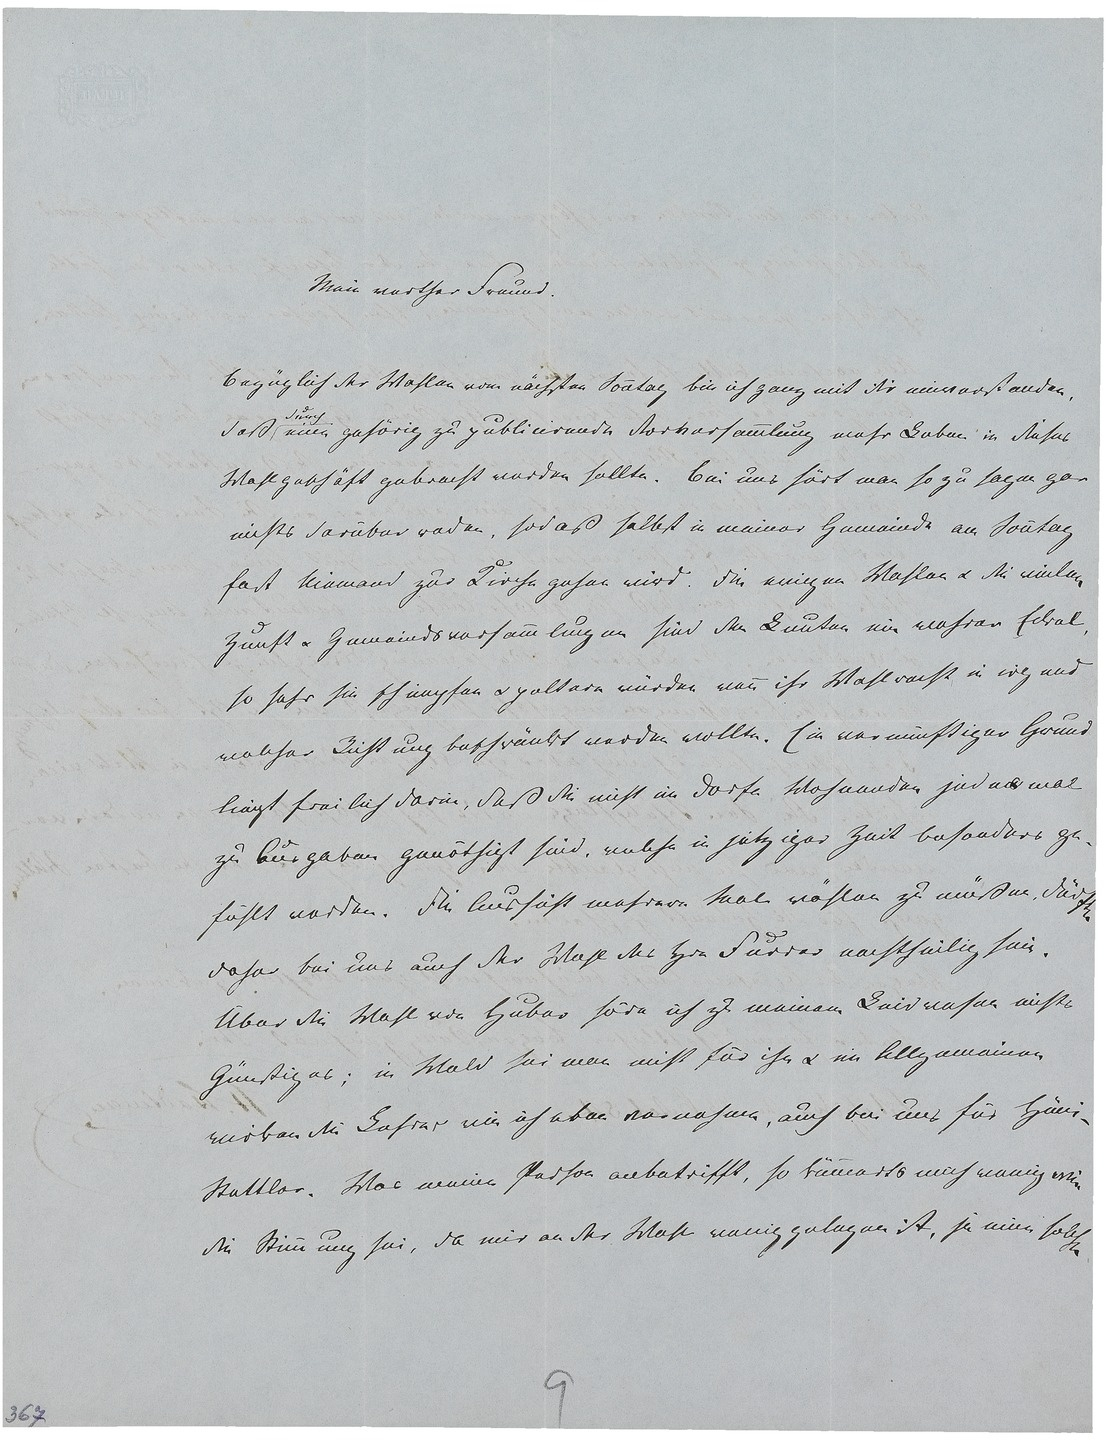Mein werther Freund.
Bezüglich der Wahlen vom nächsten Sonntag bin ich ganz mit Dir einverstanden,
daß durch eine gehörig zu publicirende Vorversammlung mehr Leben in dieses
Wahlgeschäft gebracht werden sollte. Bei uns hört man sozusagen gar
nichts darüber reden, sodaß selbst in meiner Gemeinde am Sonntag
fast Niemand zur Kirche gehen wird. Die ewigen Wahlen & die vielen
Zunft & Gemeindsversammlungen sind den Leuten ein wahrer Eckel,
so sehr sie schimpfen & poltern würden wenn ihr Wahlrecht in irgend
welcher Richtung beschränkt werden wollte. Ein vernünftiger Grund
liegt freilich darin, daß die nicht im Dorfe Wohnenden jedesmal
zu Ausgaben genöthigt sind, welche in jetziger Zeit besonders ge-
fühlt werden. Die Aussicht mehrere Male wählen zu müßen, dürfte
daher bei uns auch der Wahl des Hrn Furrer nachtheilig sein.
Über die Wahl von Huber höre ich zu meinem Leidwesen nichts
Günstiges; in Wald sei man nicht für ihn & im Allgemeinen
wirken die Lehrer wie ich eben vernehme, auch bei uns für Häni--
Stettler. Was meine Person anbetrifft, so kümmerts mich wenig wie
die Stimmung sei, da mir an der Wahl wenig gelegen ist, ja eine solche